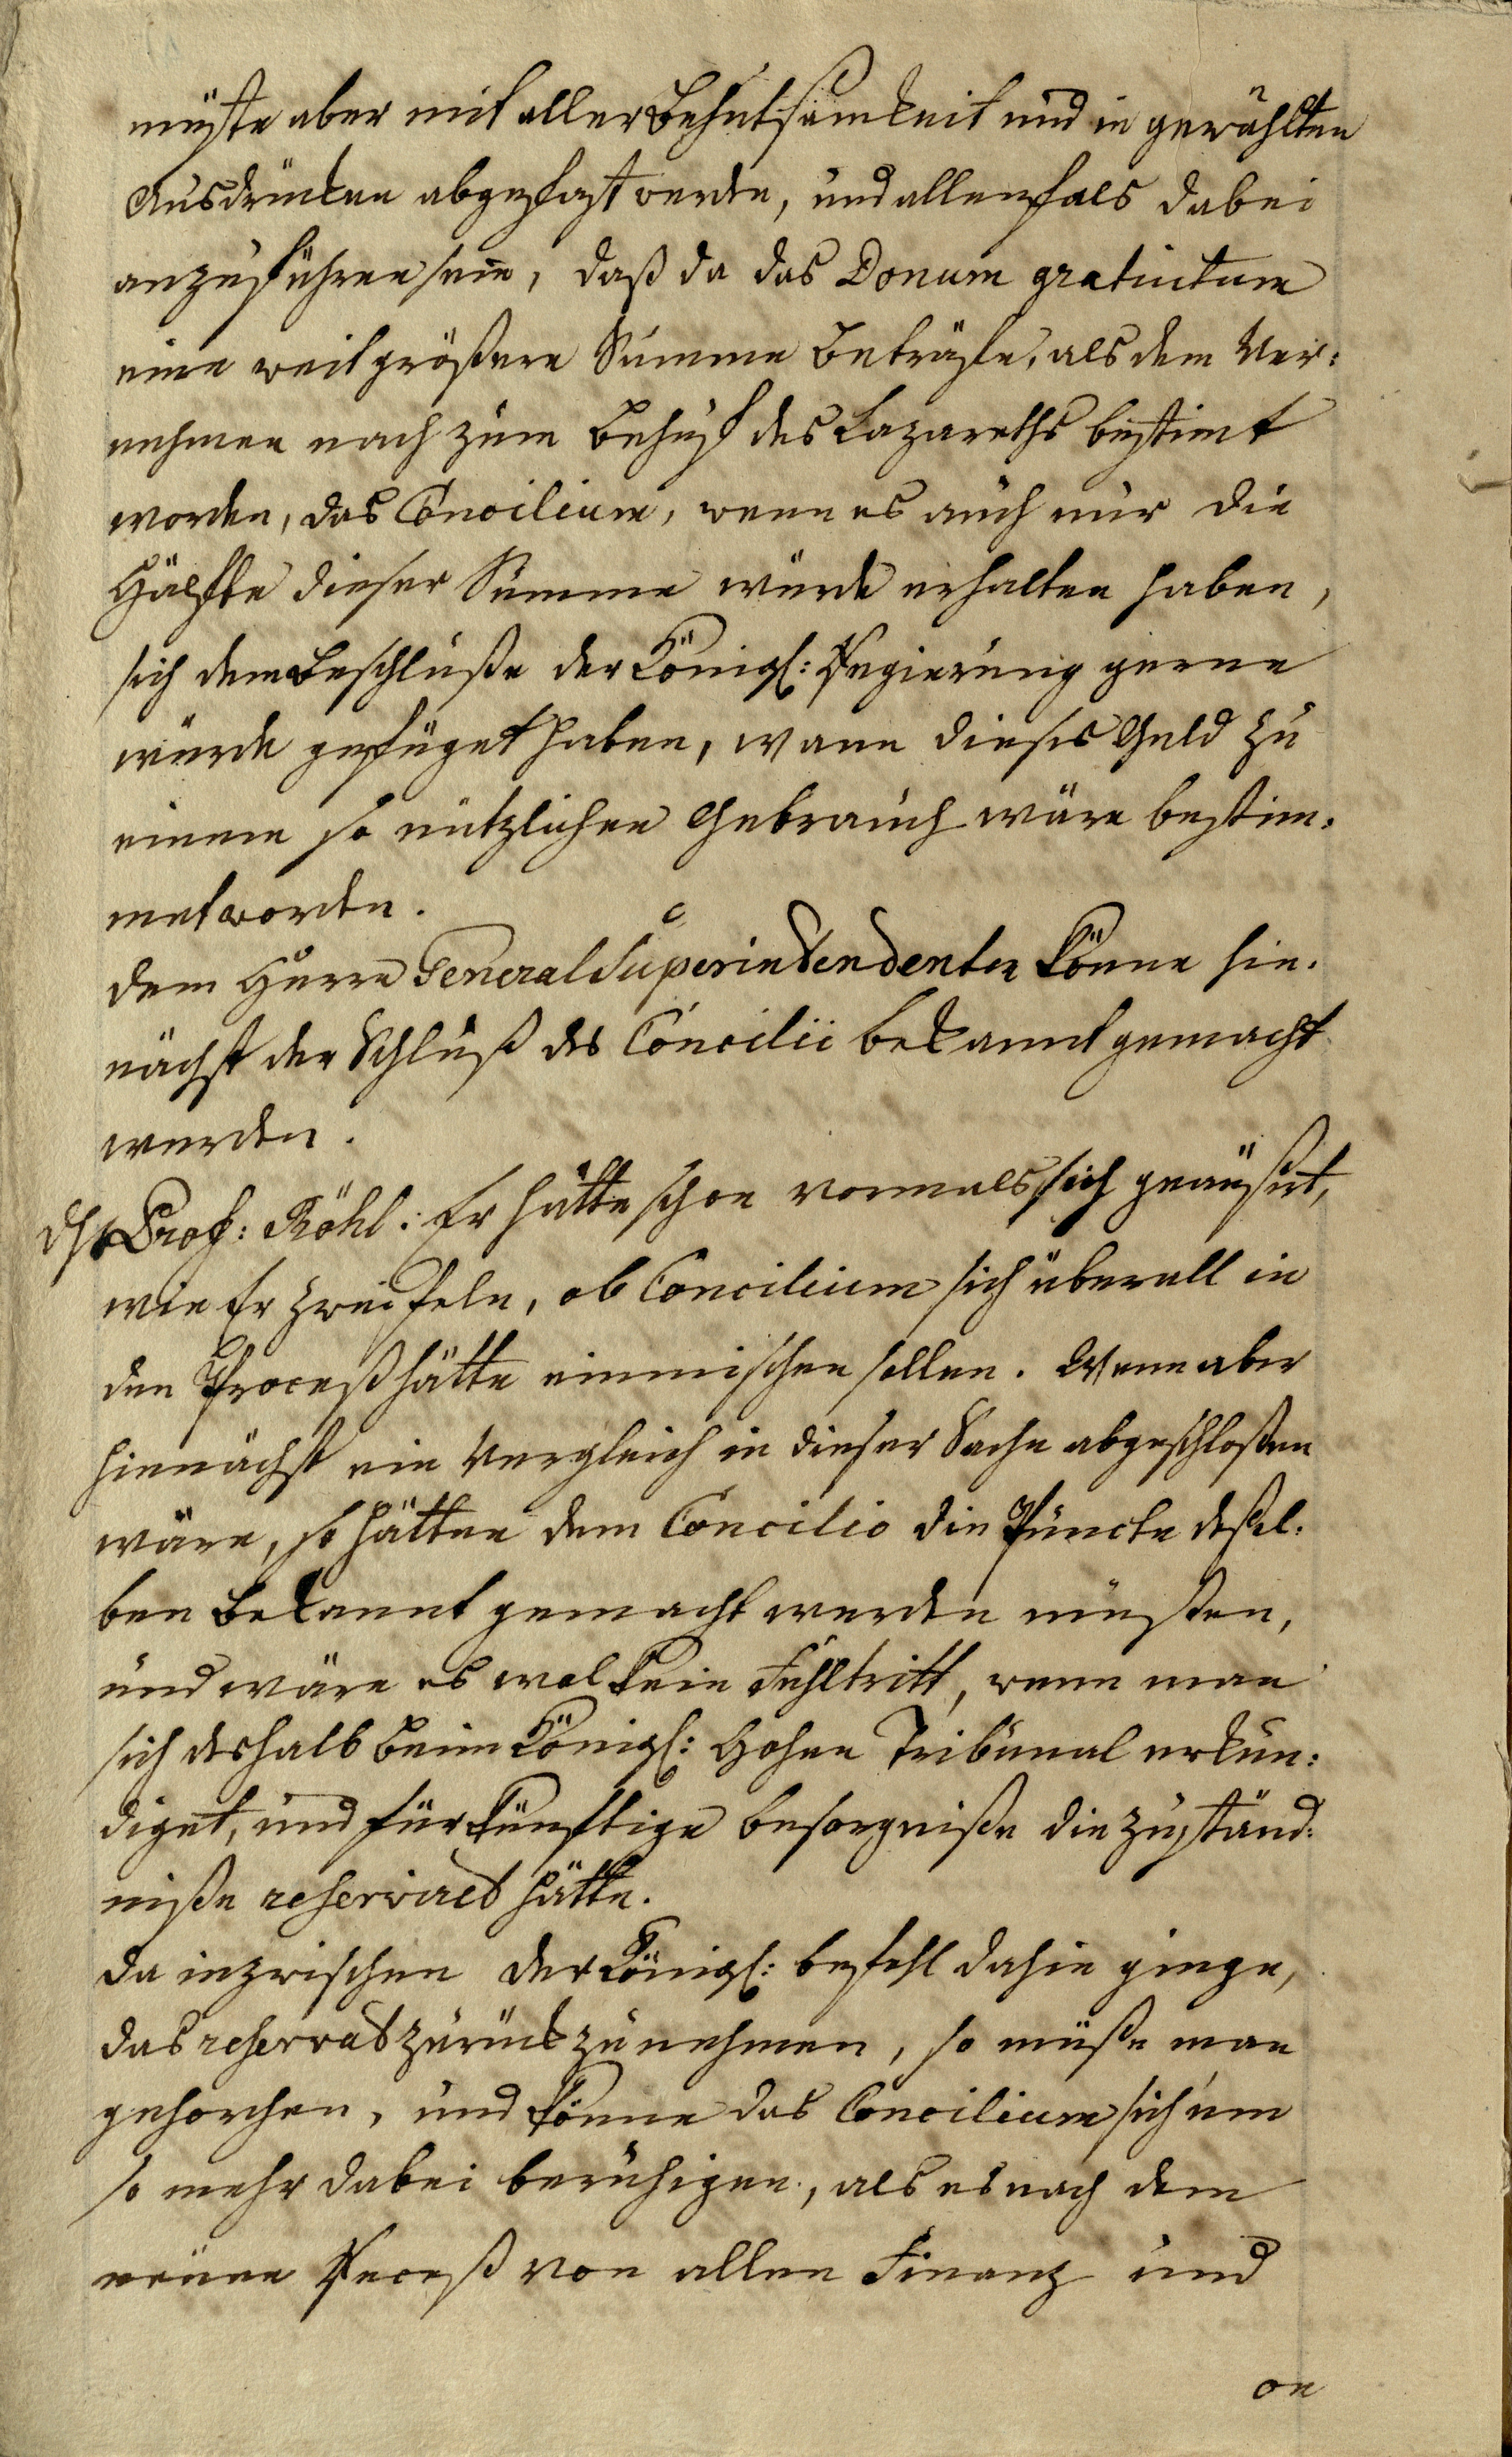müßte aber mit aller Behutsamkeit und in gerwählten
Ausdrücken abgefast werden, und allenfalls dabei
anzuführen sein, daß da das Donum gratuitum
eine weit größere Summe beträfe, als dem Ver¬
nehmen nach zum Behuf des Lazareths bestimt
worden, das Concilium, wenn es auch nur die
Hälfte dieser Summe würde erhalten haben,
sich dem Beschluße der Königl. Regierung gerne
würde gefüget haben, wann dieses Geld zu
einem so nützlichen Gebrauch wäre bestim¬
met worden.
Dem Herrn GeneralSuperintendenten könne hie¬
nächst der Schluß des Concilii bekannt gemacht
werden.
dh. Prof. Röhl. Er hätte schon vormals sich geäußert
wie Er zweifele, ob Concilium sich überall in
den Proceß hätte eimmischen sollen. Wenn aber
hienächst ein Vergleich in dieser Sache abgeschloßen
wäre, so hätten dem Concilio die Puncte deßel¬
ben bekannt gemacht werden müßen,
und wäre es wol kein Fehltritt, wenn man
sich deshalb beim Königl. Hohen Tribunal erkun¬
diget und für künftige Besorgniße die Zuständ¬
niße reserviret hätte.
Da inzwischen der Königl. Befehl dahin ginge,
das reservat zurück zu nehmen, so müße man
gehorchen, und könne das Concilium sich um
so mehr dabei beruhigen, als es nach dem
neuen Receß von allen Finanz und
oe